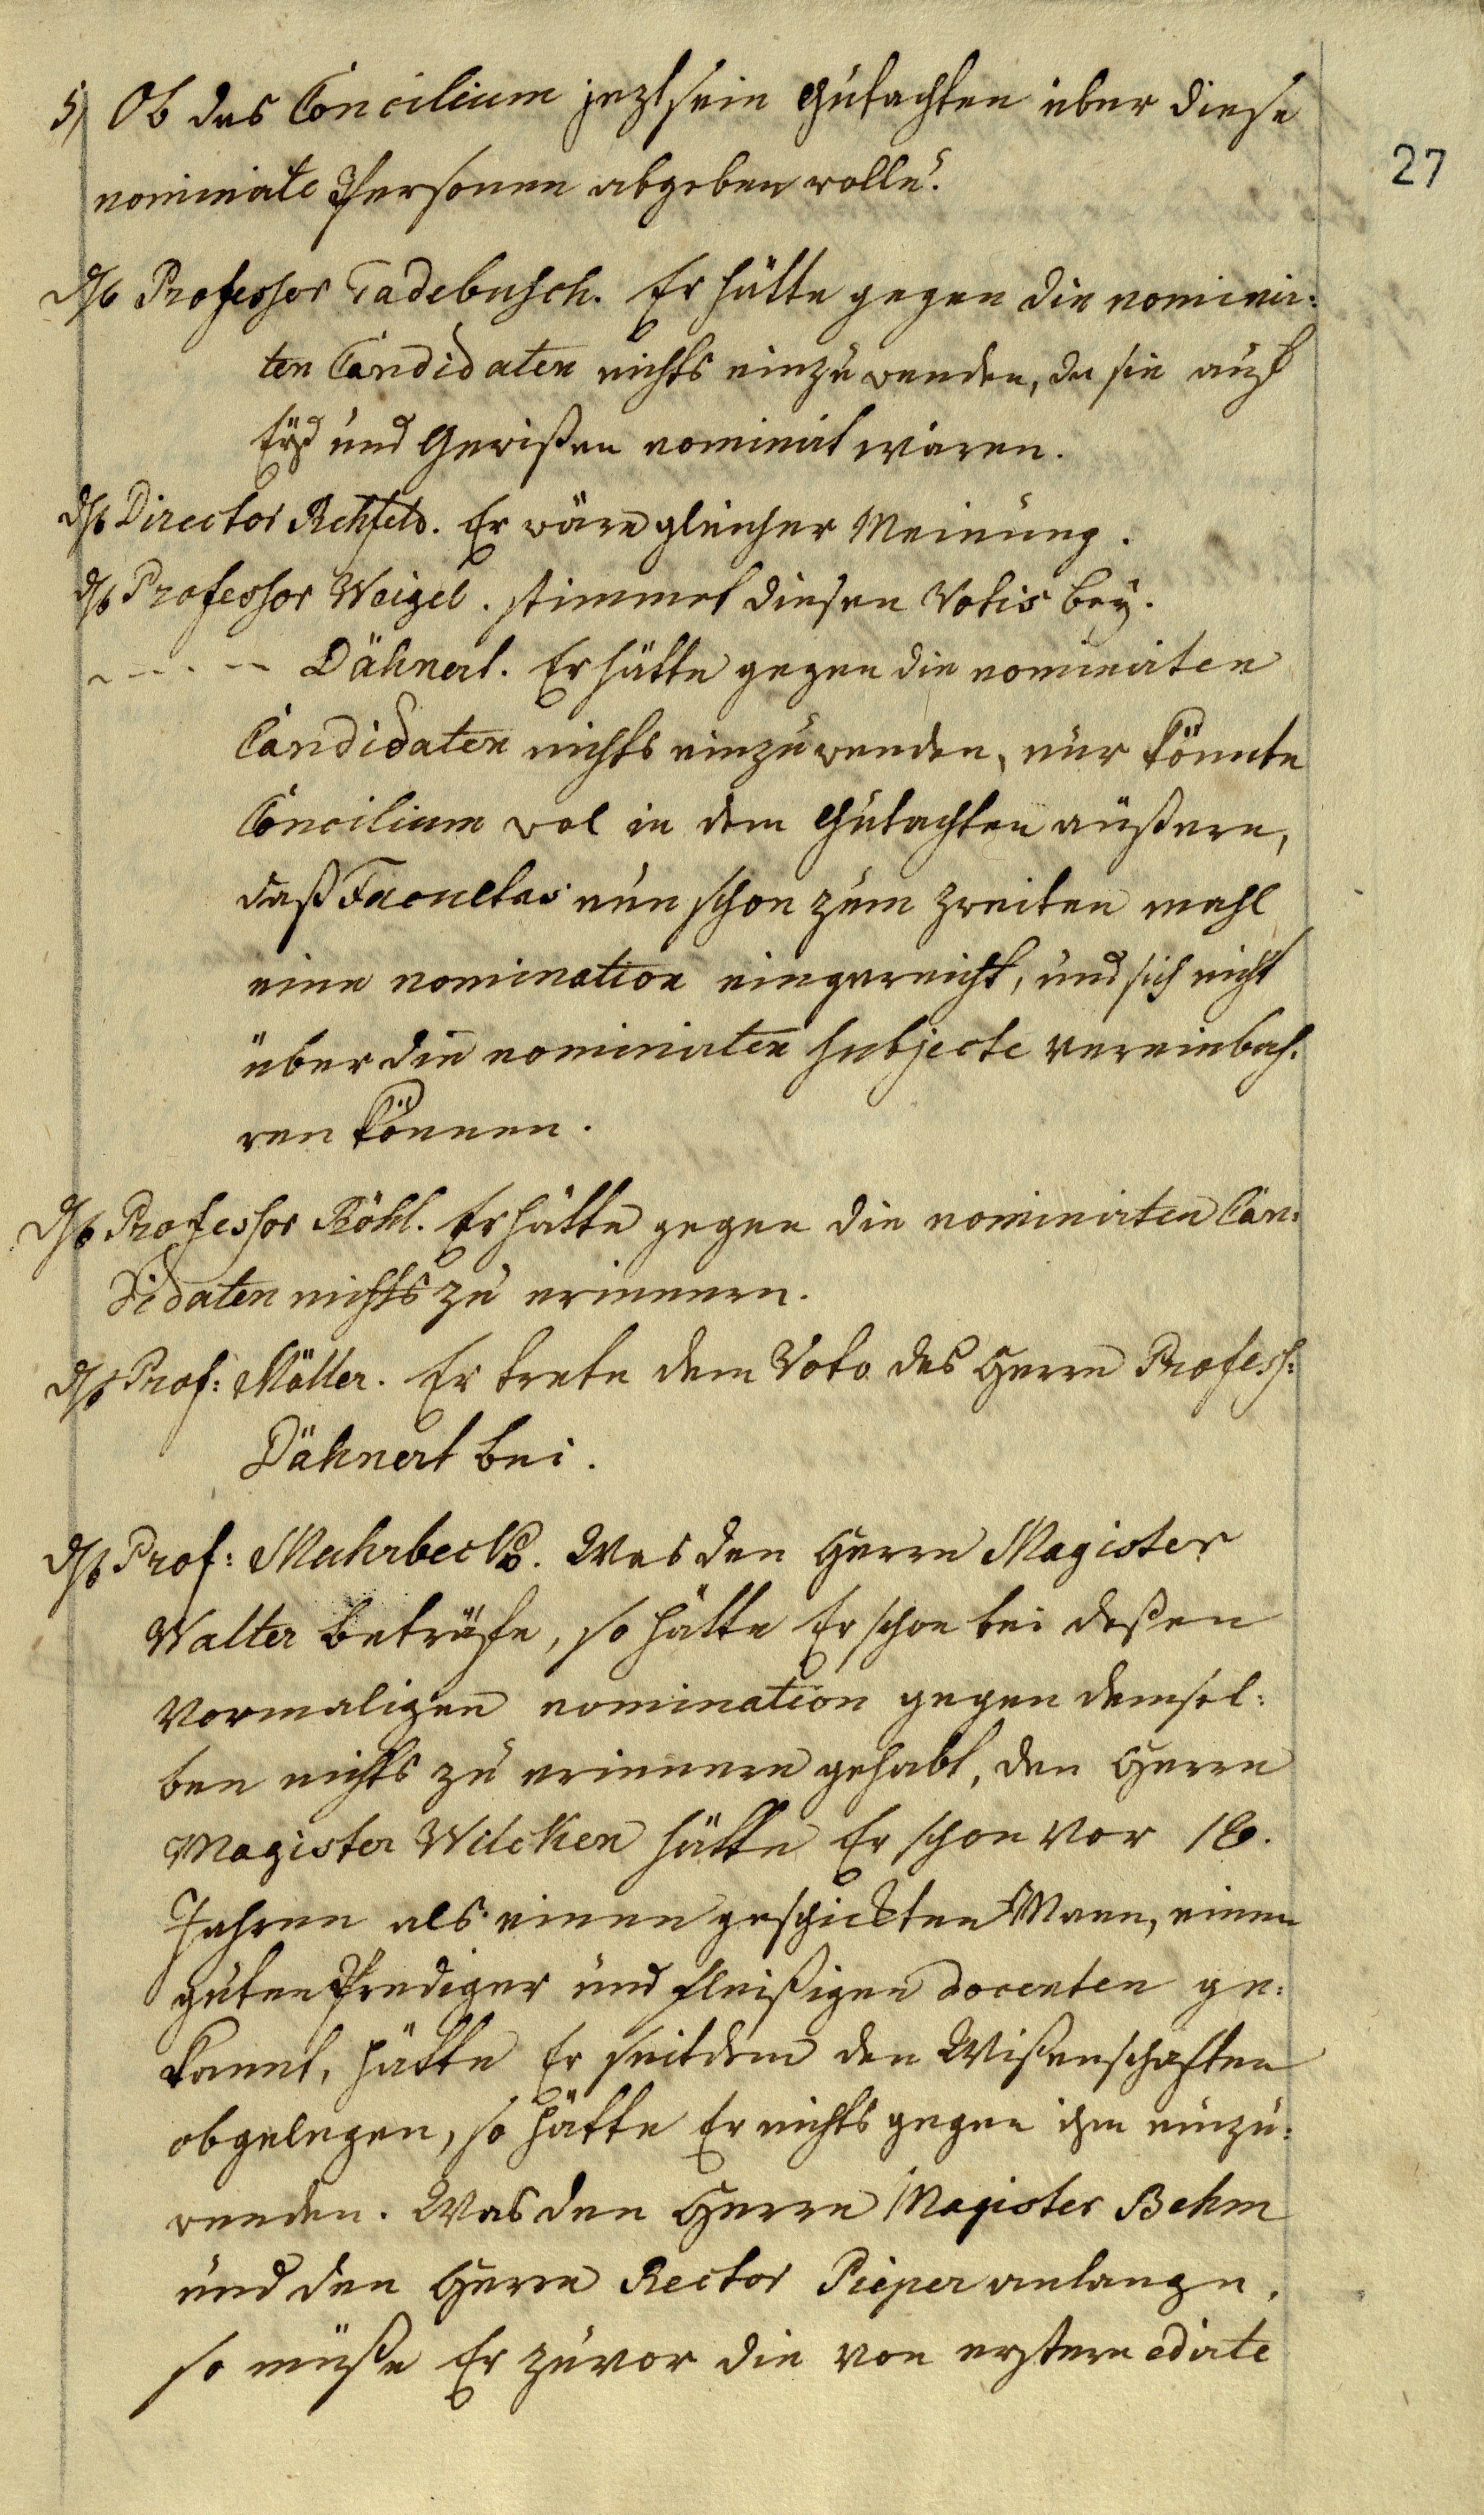5, Ob das Concilium jezt sein Gutachten über diese
nominirte Personen abgeben wolle?
dh Professor Gadebusch. Er hätte gegen die nominir¬
ten Candidaten nichts einzuwenden, da sie auf
Eÿd und Gewißen nominirt wären.
dh Director Rehfeld. Er wäre gleicher Meinung.
dh Professor Weigel. stimmet diesen Votis beÿ.
Dähnert. Er hätte gegen die nominirten
Candiadten nichts einzuwenden, nur könnte
Concilium wol in dem Gutachten äußern,
daß Facultas nun schon zum zweiten mahl
eine nomination eingereicht, und sich nicht
über die nominirten subjecte vereinbah¬
ren können.
dh. Professor Röhl. Er hätte gegen die nominirten Can¬
didaten nichts zu erinnern.
dh. Prof. Möller. Er trete dem Voto des Herrn Profess.
Dähnert bei.
dh. Prof. Muhrbeck. Was den Herrn Magister
Walter beträfe, so hätte Er schon bei deßen
vormaligen nomination gegen demsel¬
ben nichts zu erinnern gehabt, den Herrn
Magister Wilcken hätte Er schon vor 18.
Jahren als einen geschickten Mann, einen
guten Prediger und fleißigen Docenten ge¬
kannt, hätte Er seitdem den Wißenschaften
obgelegen, so hätte Er nichts gegen ihm einzu¬
wenden. Was den Herrn Magister Behm
und den Herrn Rector Pieper anlange,
so müße Er zuvor die von erstern edirte